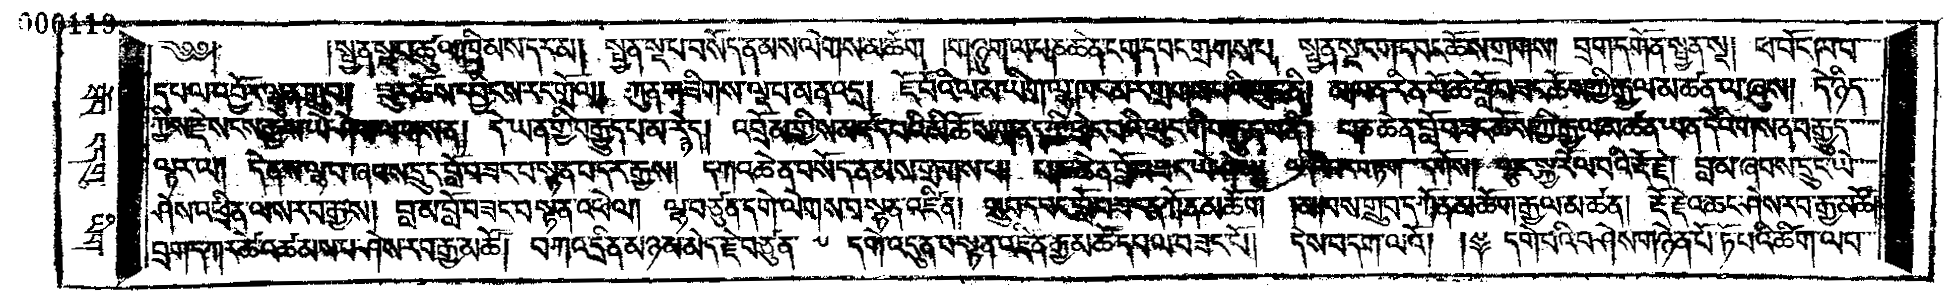༄༅། །སྤྱན་སྔ་པ་ཚུལ་ཁྲིམས་དར་མ། སྤྱན་སྔ་པ་བསོད་ནམས་ལེགས་མཆོག །གཉུག་ལ་པཎ་ཆེན་ངག་དབང་གྲགས་པ། སྤྱན་སྔ་ངག་དབང་ཆོས་གྲགས། བྲག་དགོན་སྤྱན་སྔ། ཕ་བོང་ཁ་པ་
དཔལ་འབྱོར་ལྷུན་གྲུབ། ཟུར་ཆོས་དབྱིངས་རང་གྲོལ། ཀུན་གཟིགས་ལྔ་པ་མན་འདྲ། ཇོ་བོའི་ལམ་ཡིག་ལྷ་ཁང་མར་གྲགས་པའི་ལུང་ནི། མཁན་རིན་པོ་ཆེ་བློ་བཟང་ཆོས་ཀྱི་རྒྱལ་མཚན་ལ་ཞུས། དེ་ཉིད་
ཀྱིས་རྗེས་སངས་རྒྱས་ཡེ་ཤེས་ལ་གསན། དེ་ཡན་གྱི་བརྒྱུད་པ་མ་རྙེད། འབྲོམ་གྱིས་མཛད་པའི་མི་ཆོས་གནད་ཀྱི་ཕྲེང་བའི་ལུང་གི་བརྒྱུད་པ་ནི། པཎ་ཆེན་བློ་བཟང་ཆོས་ཀྱི་རྒྱལ་མཚན་ཡན་དེའི་གསན་བརྒྱུད་
ལྟར་ལ། དེ་ནས་ལྷ་བ་ཞབས་དྲུང་བློ་བཟང་བསྟན་པ་དར་རྒྱས། དཀའ་ཆེན་བསོད་ནམས་གྲགས་པ། པཎ་ཆེན་བློ་བཟང་ཡེ་ཤེས། འདིའི་བར་བརྟག་དགོས།  ལྕང་སྐྱ་རོལ་པའི་རྡོ་རྗེ། བླ་མ་ཞབས་དྲུང་ཡེ་
ཤེས་འཕྲིན་ལས་རབ་རྒྱས། བླ་མ་བློ་བཟང་བསྟན་འཕེལ། ལྷ་བཙུན་དགེ་ལེགས་བསྟན་འཛིན། གྲུབ་དབང་བློ་བཟང་དཀོན་མཆོག །མཁས་གྲུབ་དཀོན་མཆོག་རྒྱལ་མཚན། རྡོ་རྗེ་འཆང་ཤེས་རབ་རྒྱ་མཚོ།
བྲག་དཀར་ཚེ་འཚམས་པ་ཤེས་རབ་རྒྱ་མཚོ། བཀའ་དྲིན་མཉམ་མེད་རྗེ་བཙུན་དགེ་འདུན་བསྟན་འཛིན་རྒྱ་མཚོ་དཔལ་བཟང་པོ། དེས་བདག་ལའོ། །༈ དགེ་པའི་བཤེས་གཉེན་པོ་ཏོ་པའི་ཚིག་ལབ་